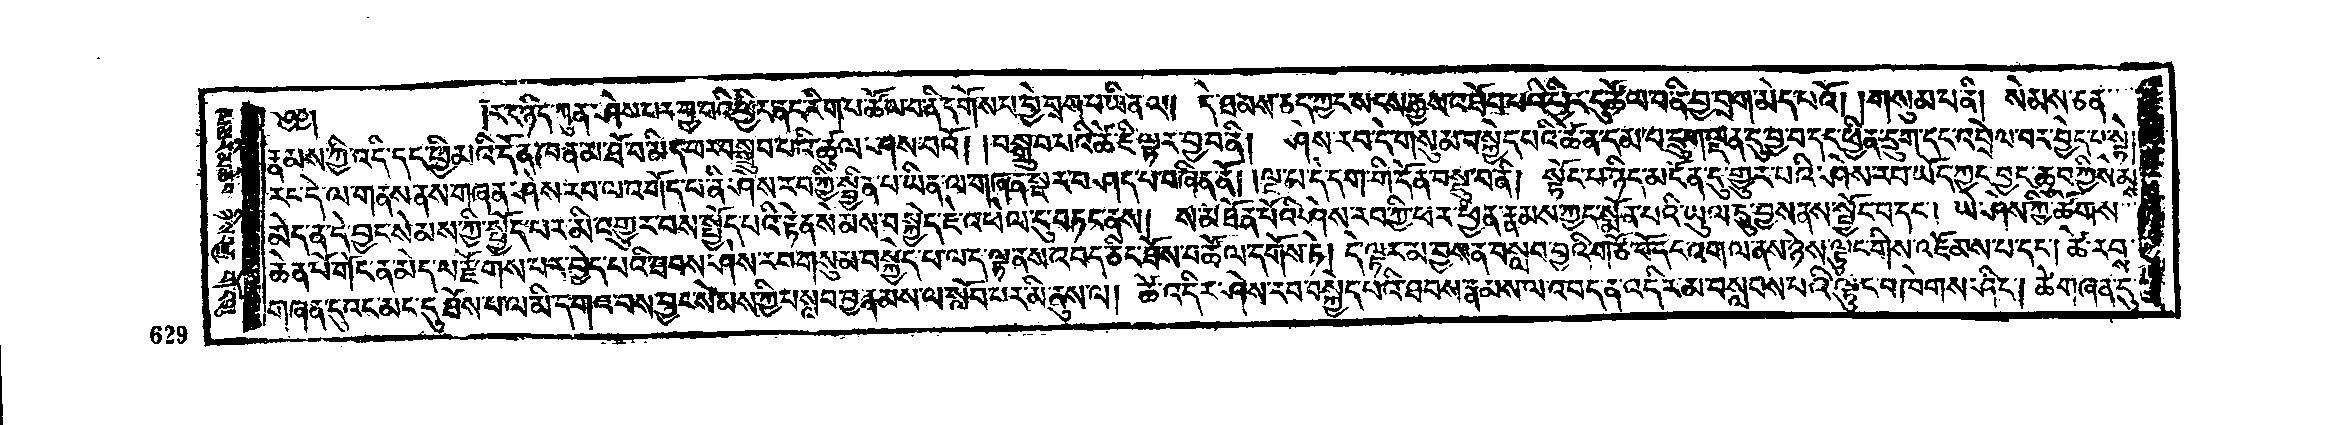༄༅། །རང་ཉིད་ཀུན་ཤེས་པར་བྱ་བའི་ཕྱིར་ནང་རིག་པ་ཚོལ་བ་ནི་དགོས་པ་བྱེ་བྲག་པ་ཡིན་ལ། དེ་ཐམས་ཅད་ཀྱང་སངས་རྒྱས་འཐོབ་པའི་ཕྱིར་དུ་ཚོལ་བ་ནི་བྱེ་བྲག་མེད་པའོ། །གསུམ་པ་ནི། སེམས་ཅན་
རྣམས་ཀྱི་འདི་དང་ཕྱི་མའི་དོན་ཁ་ན་མ་ཐོ་བ་མེད་པར་བསྒྲུབ་པའི་ཚུལ་ཤེས་པའོ། །བསྒྲུབ་པའི་ཚེ་ཇི་ལྟར་བྱ་བ་ནི། ཤེས་རབ་དེ་གསུམ་བསྐྱེད་པའི་ཚེ་ན་དམ་པ་དྲུག་ལྡན་དུ་བྱ་བ་དང་ཕྱིན་དྲུག་དང་འབྲེལ་བར་བྱེད་པ་སྟེ།
རང་དེ་ལ་གནས་ནས་གཞན་ཤེས་རབ་ལ་འགོད་པ་ནི་ཤེས་རབ་ཀྱི་སྦྱིན་པ་ཡིན་ལ་གཞན་སྔར་བཤད་པ་བཞིན་ནོ། །ལྔ་པ་དེ་དག་གི་དོན་བསྡུ་བ་ནི། སྟོང་པ་ཉིད་མངོན་དུ་གྱུར་པའི་ཤེས་རབ་ཡོད་ཀྱང་བྱང་ཆུབ་ཀྱི་སེམས་
མེད་ན་དེ་བྱང་སེམས་ཀྱི་སྤྱོད་པར་མི་འགྱུར་བས་སྤྱོད་པའི་རྟེན་སེམས་བསྐྱེད་ཇེ་འཕེལ་དུ་བཏང་ནས། ས་མཐོན་པོའི་ཤེས་རབ་ཀྱི་ཕར་ཕྱིན་རྣམས་ཀྱང་སྨོན་པའི་ཡུལ་དུ་བྱས་ནས་སྦྱོང་བ་དང་། ཡེ་ཤེས་ཀྱི་ཚོགས་
ཆེན་པོ་གོང་ན་མེད་པ་རྫོགས་པར་བྱེད་པའི་ཐབས་ཤེས་རབ་གསུམ་བསྐྱེད་པ་ལ་ད་ལྟ་ནས་འབད་ཅིང་ཐོས་པ་ཚོལ་དགོས་ཏེ། དེ་ལྟར་མ་བྱས་ན་བསླབ་བྱའི་གཙོ་བོ་དང་འགལ་ནས་ཉེས་ལྟུང་གིས་འཇོམས་པ་དང་། ཚེ་རབས་
གཞན་དུའང་མང་དུ་ཐོས་པ་ལ་མི་དགའ་བས་བྱང་སེམས་ཀྱི་བསླབ་བྱ་རྣམས་ལ་སློབ་པར་མི་ནུས་ལ། ཚེ་འདིར་ཤེས་རབ་བསྐྱེད་པའི་ཐབས་རྣམས་ལ་འབད་ན་འདིར་མ་བསླབས་པའི་ལྟུང་བ་ཁེགས་ཤིང་། ཚེ་གཞན་དུ་